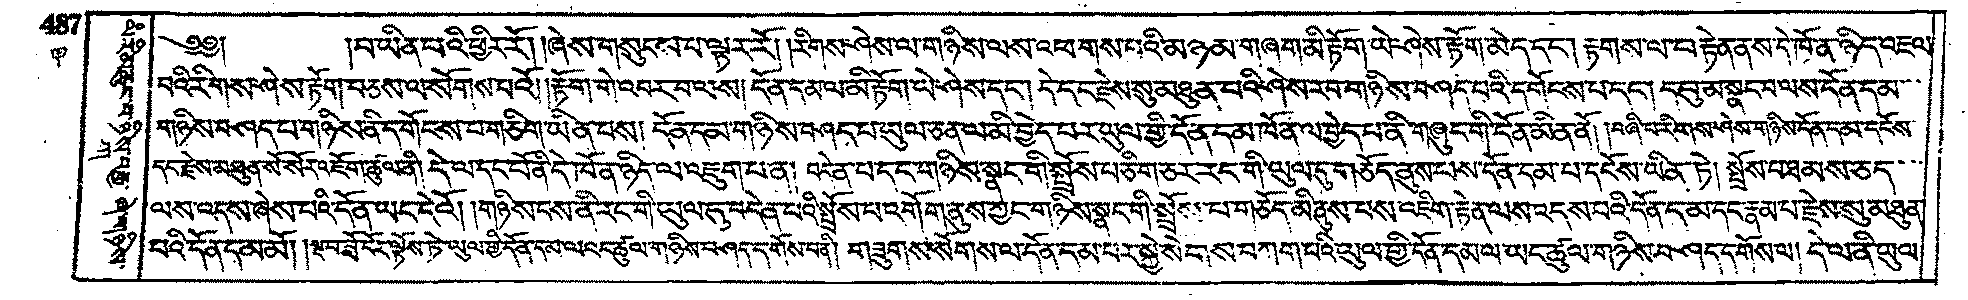༄༅། །པ་ཡིན་པའི་ཕྱིར་རོ། །ཞེས་གསུངས་པ་ལྟར་རོ། །རིགས་ཤེས་ལ་གཉིས་ལས་འཕགས་པའི་མཉམ་གཞག་མི་རྟོག་ཡེ་ཤེས་རྟོག་མེད་དང་། རྟགས་ལ་བརྟེན་ནས་དེ་ཁོ་ན་ཉིད་འཇལ་
བའི་རིགས་ཤེས་རྟོག་བཅས་ལ་སོགས་པའོ། །རྟོག་གེ་འབར་བ་ལས། དོན་དམ་ལ་མི་རྟོག་ཡེ་ཤེས་དང་། དེ་དང་རྗེས་སུ་མཐུན་པའི་ཤེས་རབ་གཉིས་བཤད་པའི་དགོངས་པ་དང་། དབུ་མ་སྣང་བ་ལས་དོན་དམ་
གཉིས་བཤད་པ་གཉིས་ནི་དགོངས་པ་གཅིག་ཡིན་པས། དོན་དམ་གཉིས་བཤད་པ་ཡུལ་ཅན་ལ་མི་བྱེད་པར་ཡུལ་གྱི་དོན་དམ་ཁོ་ན་ལ་བྱེད་པ་ནི་གཞུང་གི་དོན་མིན་ནོ། །བཞི་པ་རིགས་ཤེས་གཉིས་དོན་དམ་དངོས་
དང་རྗེས་མཐུན་སོ་སོར་འཇོག་ཚུལ་ནི། དེ་ལ་དང་པོ་ནི་དེ་ཁོ་ན་ཉིད་ལ་འཇུག་པ་ན། བདེན་པ་དང་གཉིས་སྣང་གི་སྤྲོས་པ་ཅིག་ཅར་རང་གི་ཡུལ་དུ་གཅོད་ནུས་པས་དོན་དམ་པ་དངོས་ཡིན་ཏེ། སྤྲོས་པ་ཐམས་ཅད་
ལས་འདས་ཞེས་པའི་དོན་ཡང་དེའོ། །གཉིས་པས་ནི་རང་གི་ཡུལ་དུ་བདེན་པའི་སྤྲོས་པ་འགོག་ནུས་ཀྱང་གཉིས་སྣང་གི་སྤྲོས་པ་གཅོད་མི་ནུས་པས་འཇིག་རྟེན་ལས་འདས་པའི་དོན་དམ་དང་རྣམ་པ་རྗེས་སུ་མཐུན་
པའི་དོན་དམ་མོ། ། ལྔ་པ་བློ་ངོར་ལྟོས་ཏེ་ཡུལ་གྱི་དོན་དམ་ལའང་ཚུལ་ཉིས་བཤད་དགོས་པ་ནི། གཟུགས་སོགས་ལ་དོན་དམ་པར་སྐྱེ་སོགས་བཀག་པའི་ཡུལ་གྱི་དོན་དམ་ལ་ཡང་ཚུལ་གཉིས་བཤད་དགོས་ལ། དེ་ལ་ནི་ཡུལ་